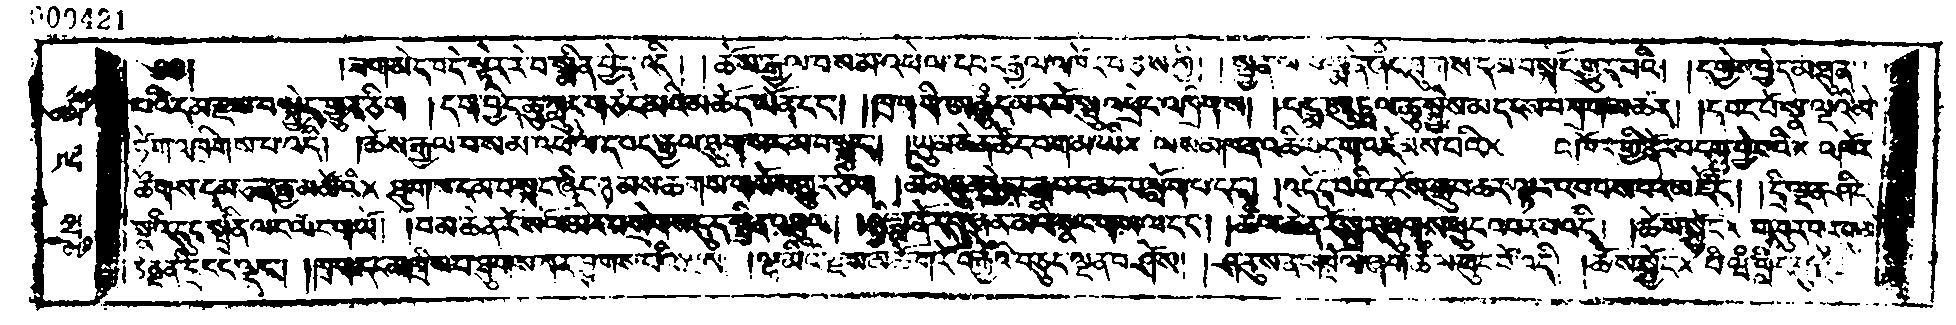༄༅། །ཟག་མེད་བདེ་སྟེར་རེ་བ་སྨིན་བྱེད་འདི། །ཆོས་རྒྱལ་བསམ་འཕེལ་དབང་རྒྱལ་འཁོར་བཅས་ཀྱི། །སྤྱན་ལམ་སྨིན་ཞིང་ཐུགས་དམ་བསྐོང་གྱུར་བའི། །དགྱེས་བྱེད་མཐུན་
པའི་དམ་རྫས་བསྐྱེད་གྱུར་ཅིག །དག་བྱེད་ཆུ་ཀླུང་གཙང་མའི་མཆོད་ཡོན་དང་། །ཁྲག་གི་ཨརྒྷཾ་དམར་པོ་སྤུ་འཕྲེང་འཁྲིགས། །པདམ་ཨུཏྤལ་ཆུ་སྐྱེས་མདངས་བཀྲག་མཚར། །དབང་པོ་སྣ་ལྔའི་མེ་
ཏོག་འཁྲིགས་པ་འདི། །ཆོས་རྒྱལ་བསམ་འཕེལ་དབང་རྒྱལ་ཐུགས་དམ་བསྐང་། །ཡུམ་ཆེན་ཚེ་དཔག་མ་ཡི྾་ལས་མཁན་འཆི་བདག་འཇོམས་པའི྾་འཁོར་གྱི་ནོར་བདག་བྱེ་བའི྾་འཁོར་
ཚོགས་དམ་ཅན་རྒྱ་མཚོའི྾་ཐུགས་དམ་བསྐང་ཞིང་ཉམས་ཆགས་གསོས་གྱུར་ཅིག །མི་མཐུན་རྐྱེན་ངན་བར་ཆད་བཟློག་པ་དང་། །འདོད་པའི་དངོས་གྲུབ་ཆར་ལྟར་འབབས་པར་མཛོད། །དྲི་ལྡན་ཤིང་
སྣའི་དུད་སྤྲིན་ལང་ལོང་གཡོ། །བམ་ཆེན་རོ་སོལ་མེར་བསྲེགས་དུད་སྤྲིན་འཐུལ། །ཉི་ཟླ་ནོར་བུ་ཞུན་མའི་སྣང་གསལ་དང་། །ཚིལ་ཆེན་རོ་སྐྲར་ཞུགས་ཕུང་འབར་བ་འདི། །ཆོས་སྐྱོང྾་ག་བུར་གུར་གུམ་
ཙནྡན་དྲི་ངད་ལྡང་། །ཁྲག་དང་མཁྲིས་པ་ཐུགས་ཀར་བྱུགས་པའི་རྫས། །ལྷ་མིའི་རྫས་མཆོག་རོ་བརྒྱའི་བཅུད་ལྡན་བཤོས། །ཤ་རུས་ནང་ཁྲོལ་ཞག་ཚིལ་ཕུང་པོ་འདི། །ཆོས་སྐྱོང྾་པི་ཝཾ་གླིང་བུ་རྫ་རྔ་